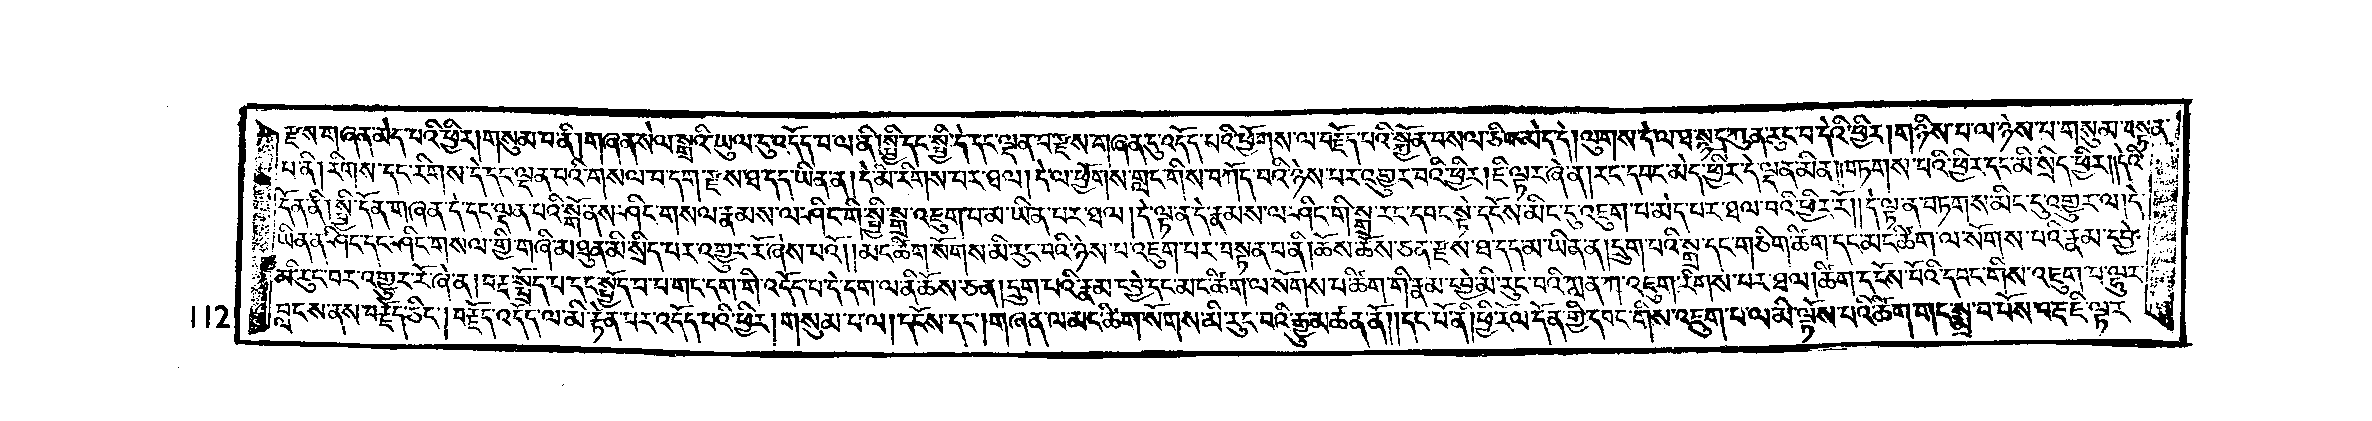རྫས་གཞན་མེད་པའི་ཕྱིར། གསུམ་པ་ནི། གཞན་སེལ་སྐྲའི་ཡུལ་དུ་འདོད་པ་ལ་ནི། སྤྱི་དང་སྤྱི་དེ་དང་ལྡན་པ་རྫས་གཞན་དུ་འདོད་པའི་ཕྱོགས་ལ་བརྗོད་པའི་སྐྱོན་བསལ་ཅི་ཡང་མེད་དེ། ལུགས་དེ་ལ་ཐ་སྙད་ཀུན་རུང་བ་དེའི་ཕྱིར། གཉིས་པ་ལ་ཉེས་པ་གསུམ་བསྟན་
པ་ནི། རིགས་དང་རིགས་དེ་དང་ལྡན་པའི་གསལ་བ་དག་རྫས་ཐ་དད་ཡིན་ན། དེ་མི་རིགས་པར་ཐལ། དེ་ལ་ཕྱོགས་གླང་གིས་བཀོད་པའི་ཉེས་པར་འགྱུར་བའི་ཕྱིར། ཇི་ལྟར་ཞེ་ན། རང་དབང་མེད་ཕྱིར་དེ་ལྡན་མིན། བཏགས་པའི་ཕྱིར་དང་མི་སྲིད་ཕྱིར། །དེའི་
དོན་ནི། སྤྱི་དོན་གཞན་དེ་དང་ལྡན་པའི་སྒོ་ནས་ཤིང་གསལ་རྣམས་ལ་ཤིང་གི་སྤྱི་སྒྲ་འཇུག་པ་མ་ཡིན་པར་ཐལ། དེ་ལྟ་ན་དེ་རྣམས་ལ་ཤིང་གི་སྒྲ་རང་དབང་སྟེ་དངོས་མིང་དུ་འཇུག་པ་མེད་པར་ཐལ་བའི་ཕྱིར་རོ། །དེ་ལྟ་ན་བཏགས་མིང་དུ་འགྱུར་ལ། དེ་
ཡིན་ན་ཤིང་དང་ཤིང་གསལ་གྱི་གཞི་མཐུན་མི་སྲིད་པར་འགྱུར་རོ་ཞེས་པའོ། །མང་ཚིག་སོགས་མི་རུང་བའི་ཉེས་པ་འཇུག་པར་བསྟན་པ་ནི། ཆོས་ཆོས་ཅན་རྫས་ཐ་དད་མ་ཡིན་ན། དྲུག་པའི་སྒྲ་དང་གཅིག་ཚིག་དང་མང་ཚིག་ལ་སོགས་པའི་རྣམ་དབྱེ་
མི་རུང་བར་འགྱུར་རོ་ཞེ་ན། བརྡ་སྤྲོད་པ་དང་སྤྱོད་པ་པ་གང་དག་གི་འདོད་པ་དེ་དག་ལ་ནི་ཆོས་ཅན། དྲུག་པའི་རྣམ་དབྱེ་དང་མང་ཚིག་ལ་སོགས་པ་ཚིག་གི་རྣམ་དབྱེ་མི་རུང་བའི་ཀླན་ཀ་འཇུག་རིགས་པར་ཐལ། ཚིག་དངོས་པོའི་དབང་གིས་འཇུག་པ་ལྷུར་
བླངས་ནས་བརྗོད་ཅིང་། བརྗོད་འདོད་ལ་མི་རྟེན་པར་འདོད་པའི་ཕྱིར། གསུམ་པ་ལ། དངོས་དང་། གཞན་ལ་མང་ཚིག་སོགས་མི་རུང་བའི་རྒྱུ་མཚན་ནོ། །དང་པོ་ནི། ཕྱི་རོལ་དོན་གྱི་དབང་གིས་འཇུག་ལ་མི་ལྟོས་པའི་ཚིག་གང་སྨྲ་བ་པོས་བརྡ་ཇི་ལྟར་